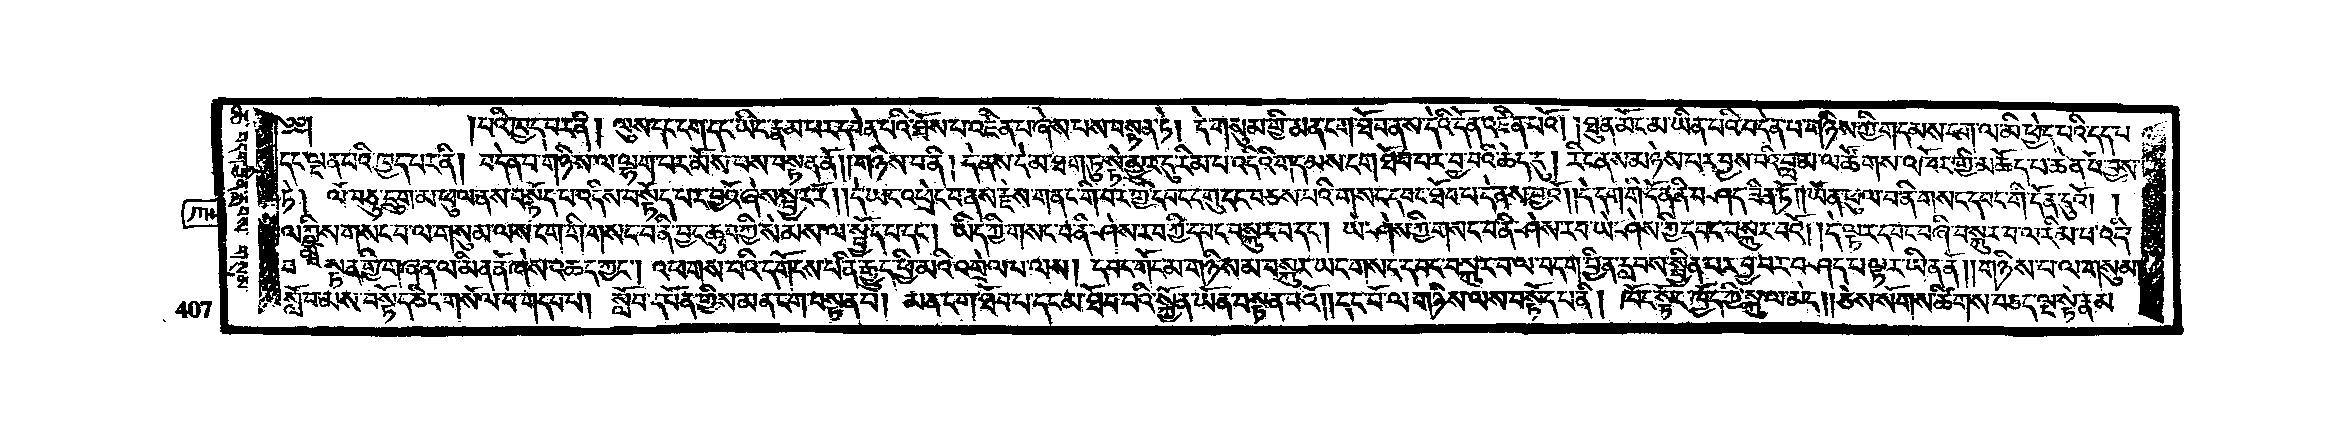༄༅། །པའི་ཁྱད་པར་ནི། ལུས་དང་ངག་དང་ཡིད་རྣམ་པར་དབེན་པའི་ཐོས་པ་འཛིན་པ་ཞེས་པས་བསྟན་ཏེ། དེ་གསུམ་གྱི་མན་ངག་ཐོབ་ནས་དེའི་དོན་འཛིན་པའོ། །ཐུན་མོང་མ་ཡིན་པའི་བདེན་པ་གཉིས་ཀྱི་གདམས་ངག་ལ་མི་ཕྱེད་པའི་དད་པ་
དང་ལྡན་པའི་ཁྱད་པར་ནི། བདེན་པ་གཉིས་ལ་ལྷག་པར་མོས་པས་བསྟན་ནོ། །གཉིས་པ་ནི། དེ་ནས་དེ་མ་ཐག་ཏུ་སྟེ་མྱུར་དུ་རིམ་པ་འདིའི་གདམས་ངག་ཐོབ་པར་བྱ་བའི་ཆེད་དུ། རིང་ནས་མཉེས་པར་བྱས་པའི་བླ་མ་ལ་ཚོགས་འཁོར་གྱི་མཆོད་པ་ཆེན་པོ་བྱས་
ཏེ། ལོ་བཅུ་དྲུག་མ་ཕུལ་ནས་བསྟོད་པ་འདིས་བསྟོད་པར་བྱའོ་ཞེས་སྦྱར་རོ། །དེ་ཡང་འཕྲེང་བ་ནས་རྗེས་གནང་གི་བར་གྱི་དབང་དགུ་དང་བཅས་པའི་གསང་དབང་ཐོབ་པ་དེ་ནས་བྱའོ། །དེ་དག་གི་དོན་ནི་བཤད་ཟིན་ཏོ། །ཡོན་ཕུལ་བ་ནི་གསང་དབང་གི་དོན་དུའོ། །
ལཀྵྨཱིས་གསང་བ་ལ་གསུམ་ལས་ངག་གི་གསང་བ་ནི་བྱང་ཆུབ་ཀྱི་སེམས་ལ་སྤྱོད་པ་དང་། ཡིད་ཀྱི་གསང་བ་ནི་ཤེས་རབ་ཀྱི་དབང་བསྐུར་བ་དང་། ཡེ་ཤེས་ཀྱི་གསང་བ་ནི་ཤེས་རབ་ཡེ་ཤེས་ཀྱི་དབང་བསྐུར་བའོ། །དེ་ལྟར་དབང་བཞི་བསྐུར་བ་ལ་རིམ་པ་འདི་
བསྟན་གྱི་གཞན་ལ་མིན་ནོ་ཞེས་འཆད་ཀྱང་། འཕགས་པའི་དགོངས་པ་ནི་རྒྱུད་ཕྱི་མའི་འགྲེལ་པ་ལས། དབང་གོང་མ་གཉིས་མ་བསྐུར་ཡང་གསང་དབང་བསྐུར་བ་ལ་བདག་བྱིན་རླབས་སྦྱིན་པར་བྱ་བར་བཤད་པ་ལྟར་ཡིན་ནོ། །གཉིས་པ་ལ་གསུམ།
སློབ་མས་བསྟོད་ཅིང་གསོལ་བ་གདབ་པ། སློབ་དཔོན་གྱིས་མན་ངག་བསྟན་པ། མན་ངག་ཐོབ་པ་དང་མ་ཐོབ་པའི་སྐྱོན་ཡོན་བསྟན་པའོ། །དང་པོ་ལ་གཉིས་ལས་བསྟོད་པ་ནི། ཁོང་སྟོང་ཁྱོད་ཀྱི་སྐུ་ལ་མེད། །ཅེས་སོགས་ཚིགས་བཅད་ལྔ་སྟེ་རྣམ་